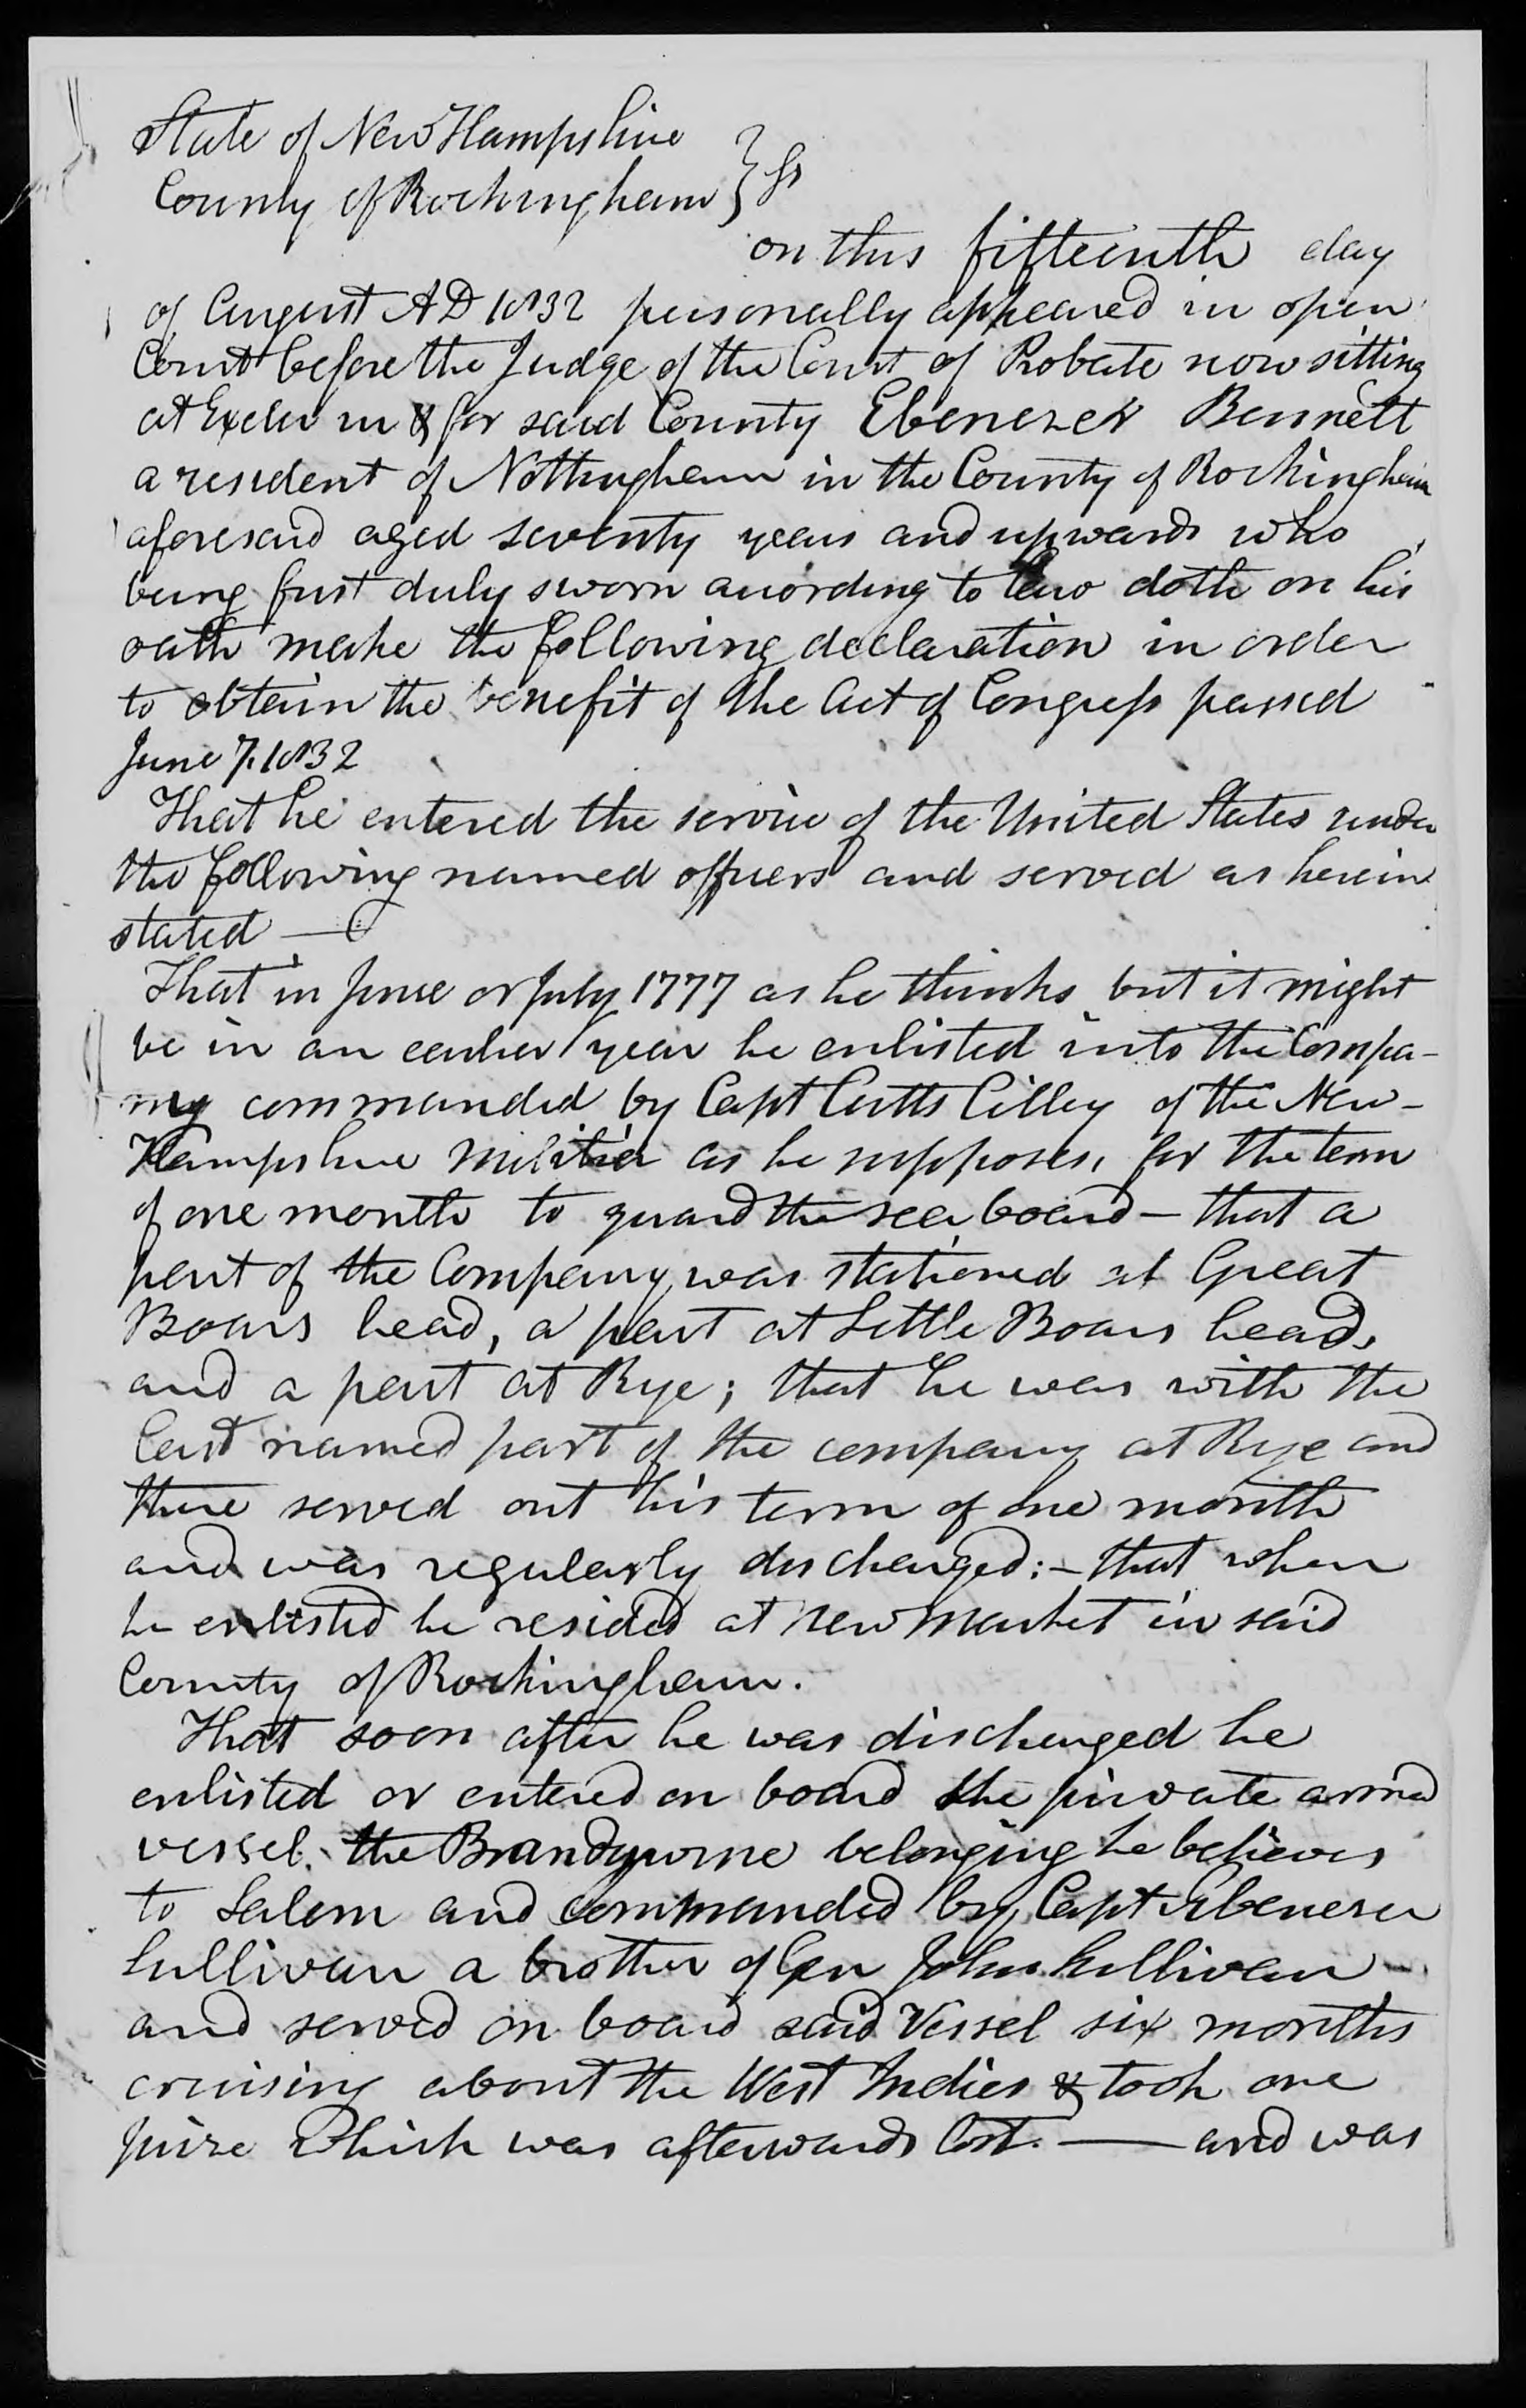State of New Hampshire
County of Rockingham Ss

On this fifteenth day of August AD 1832 personally appeared in open Court before the Judge of the Court of Probate now sitting at Exeter in & for said County Ebenezer Bennett a resident of Nottingham in the County of Rockingham aforesaid aged seventy years and upwards who being first duly sworn according to law doth on his oath make the following declaration in order to obtain the benefit of the Act of Congress passed June 7, 1832.

That he entered the service of the United States under the following named officers and served as herein stated --

That in June or July 1777 as he thinks but it might be in an earlier year he enlisted into the Company commanded by Capt Cutts Cilley of the New Hampshire Militia as he supposes, for the term of one month to guard the seaboard--

that a part of the Company was stationed at Great Boars head, a part at Little Boars head, and a part at Rye; 

that he was with the last named part of the company at Rye and there served out his term of one month and was regularly discharged: --

that when he enlisted he resided in NewMarket in said County of Rockingham.

That soon after he was discharged he enlisted or entered on board the private armed vessel, the Brandywine belonging he believes to Salem and commanded by Capt Ebenezer Sullivan a brother of Gen John Sullivan -- and served on board said Vessel six months cruising about the West Indies & took one 
prize which was afterwards lost--

and was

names: Ebenezer Sullivan, John Sullivan, Ebenezer Bennett, Cutts Cilley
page: 4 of 43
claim: widow's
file: W. 21665, Ebenezer Bennett, N. H. Privateer.